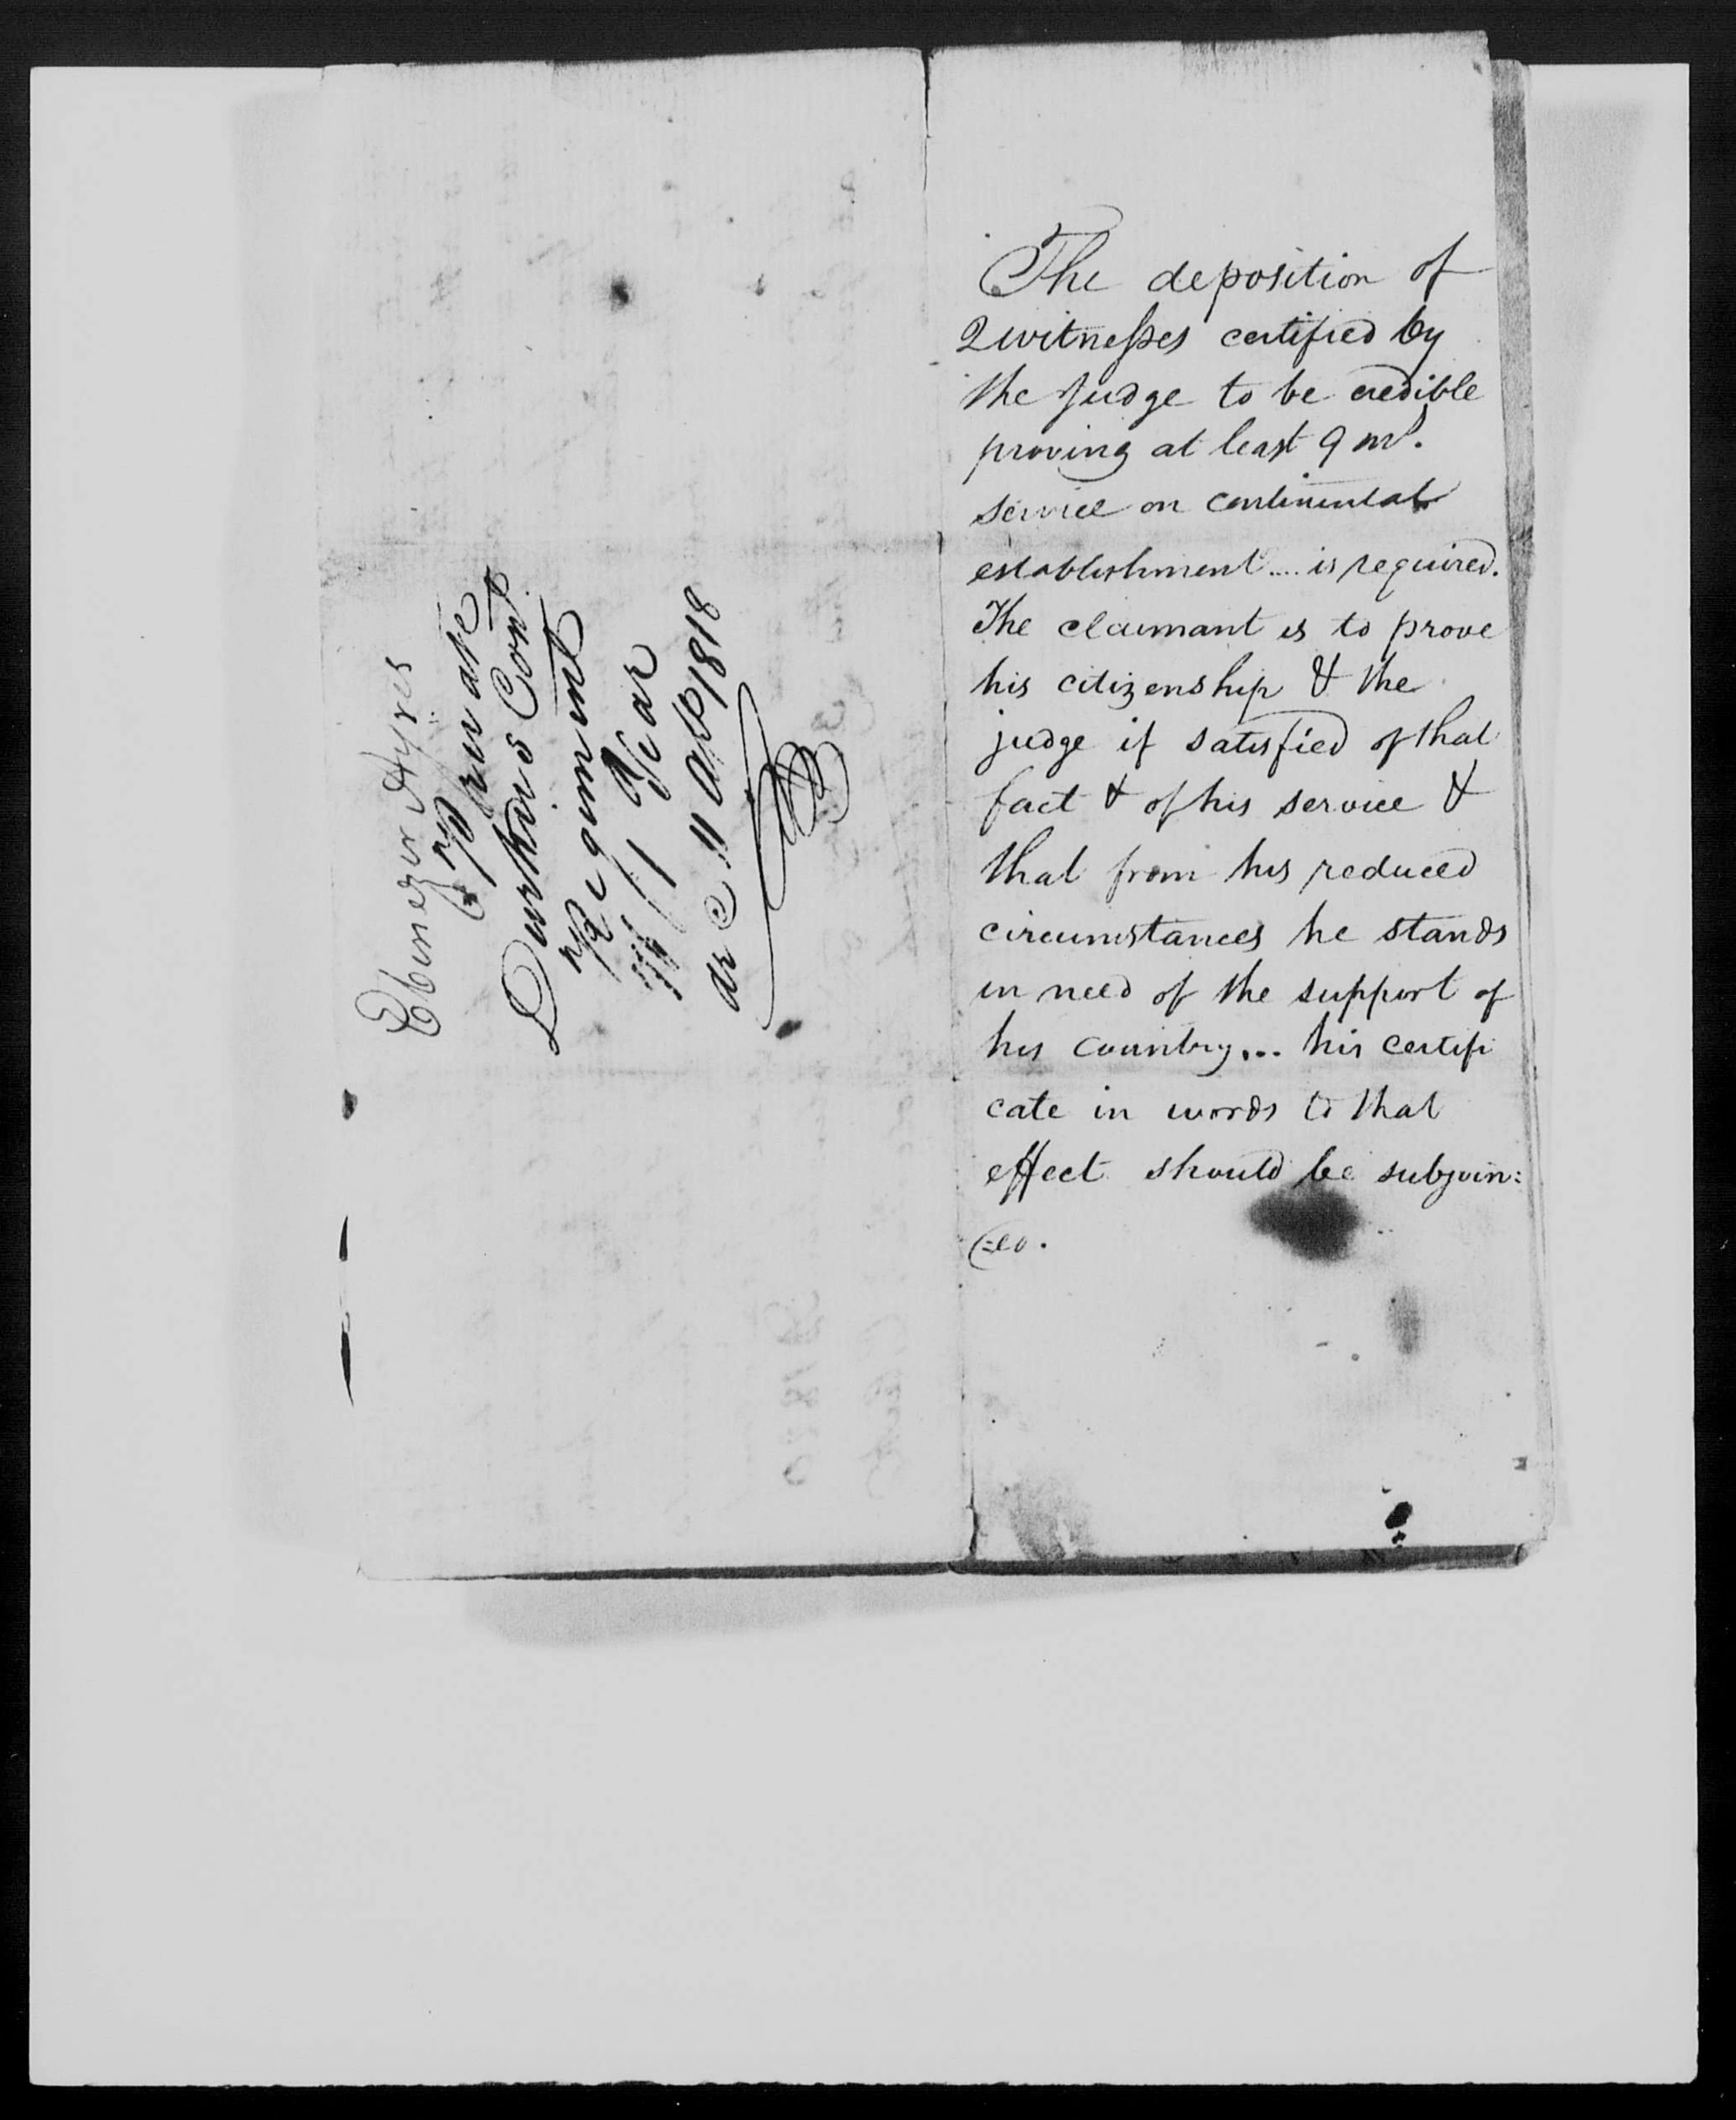Ebenezer Ayeres
Private
Durkees Cont Regiment
76/1 year
ar @ 11 Apl 1818
The deposition of 2 witnesses certified by the judge to be credible proving at least 9 ms. service on Contienental establishment.... is required. The claimant is to prove his citizenship & the judge if satisfied of that fact & of his service & that from his reduced circumstances he stands in need of the support of his country... his certificate in words to that effect should be subjoined.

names: Ebenezer Ayres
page: 2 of 50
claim: widow's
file: W. 8559, Ebenezer Ayer, Continental (Conn)